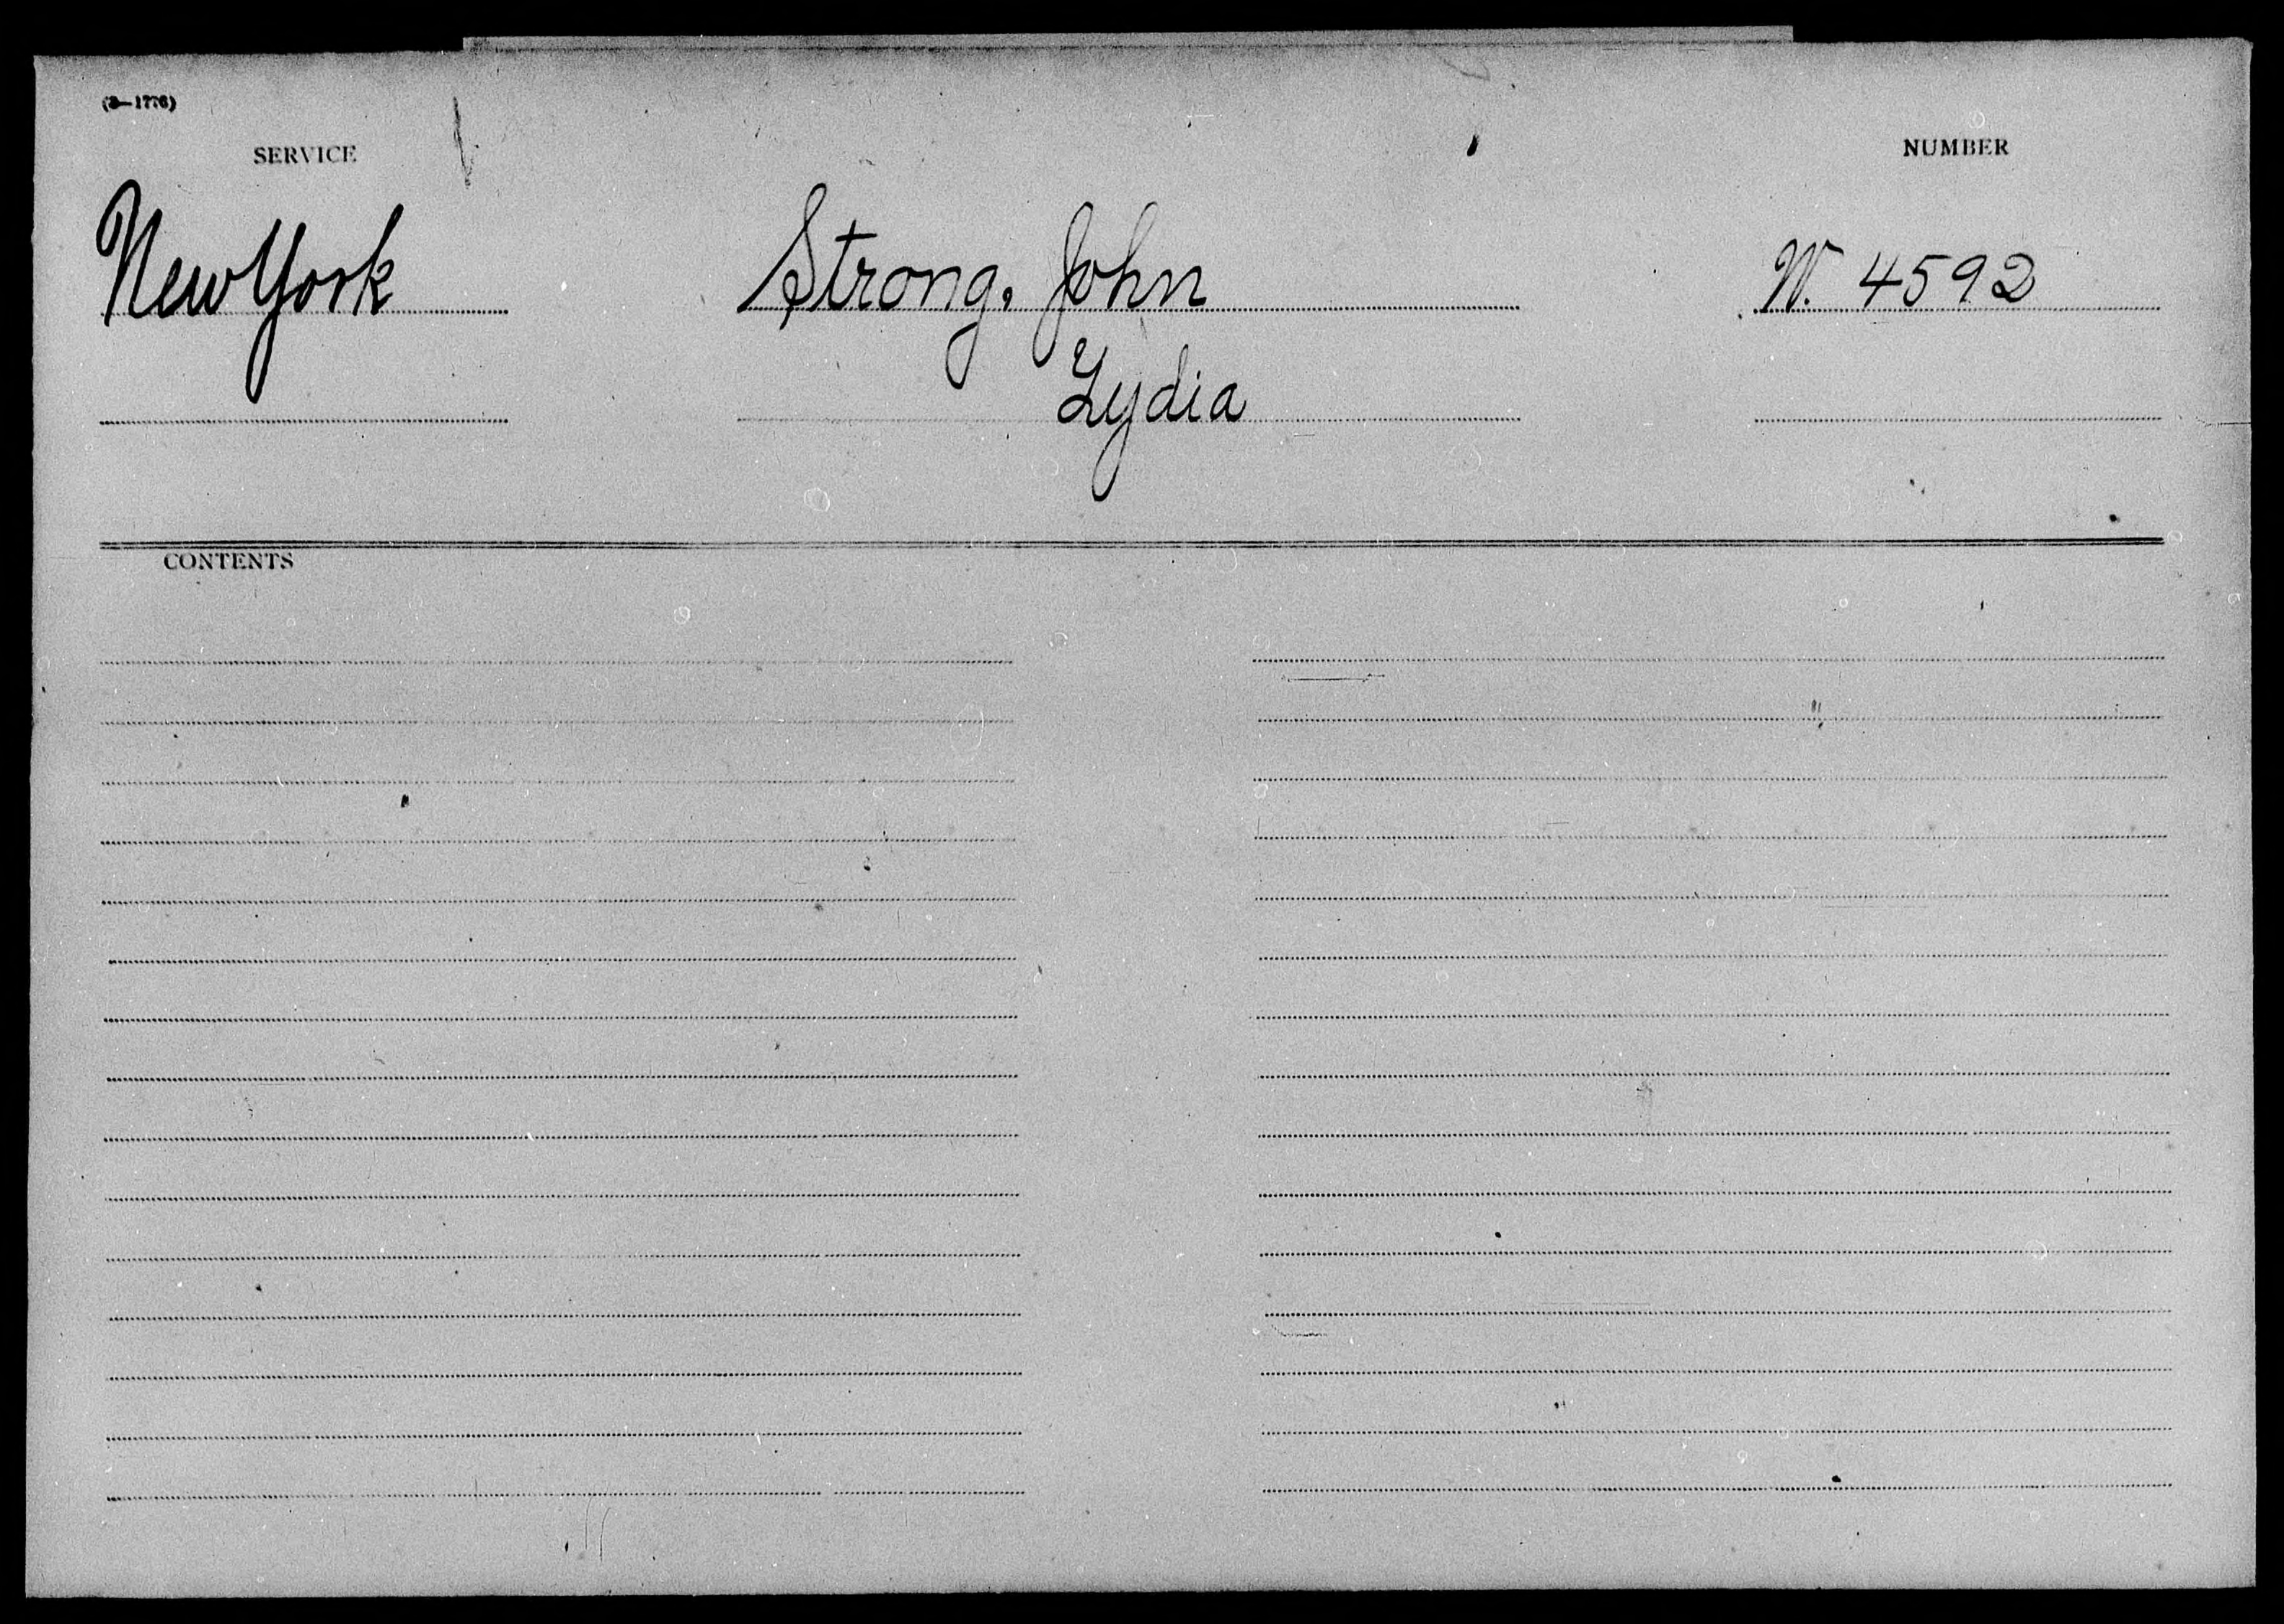SERVICE                                                                 NUMBER
 New York              Strong, John                   W. 4592
                                                      Lydia

__________________________________________________
CONTENTS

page: 1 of 33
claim: widow's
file: W. 4592, for John Strong, New York